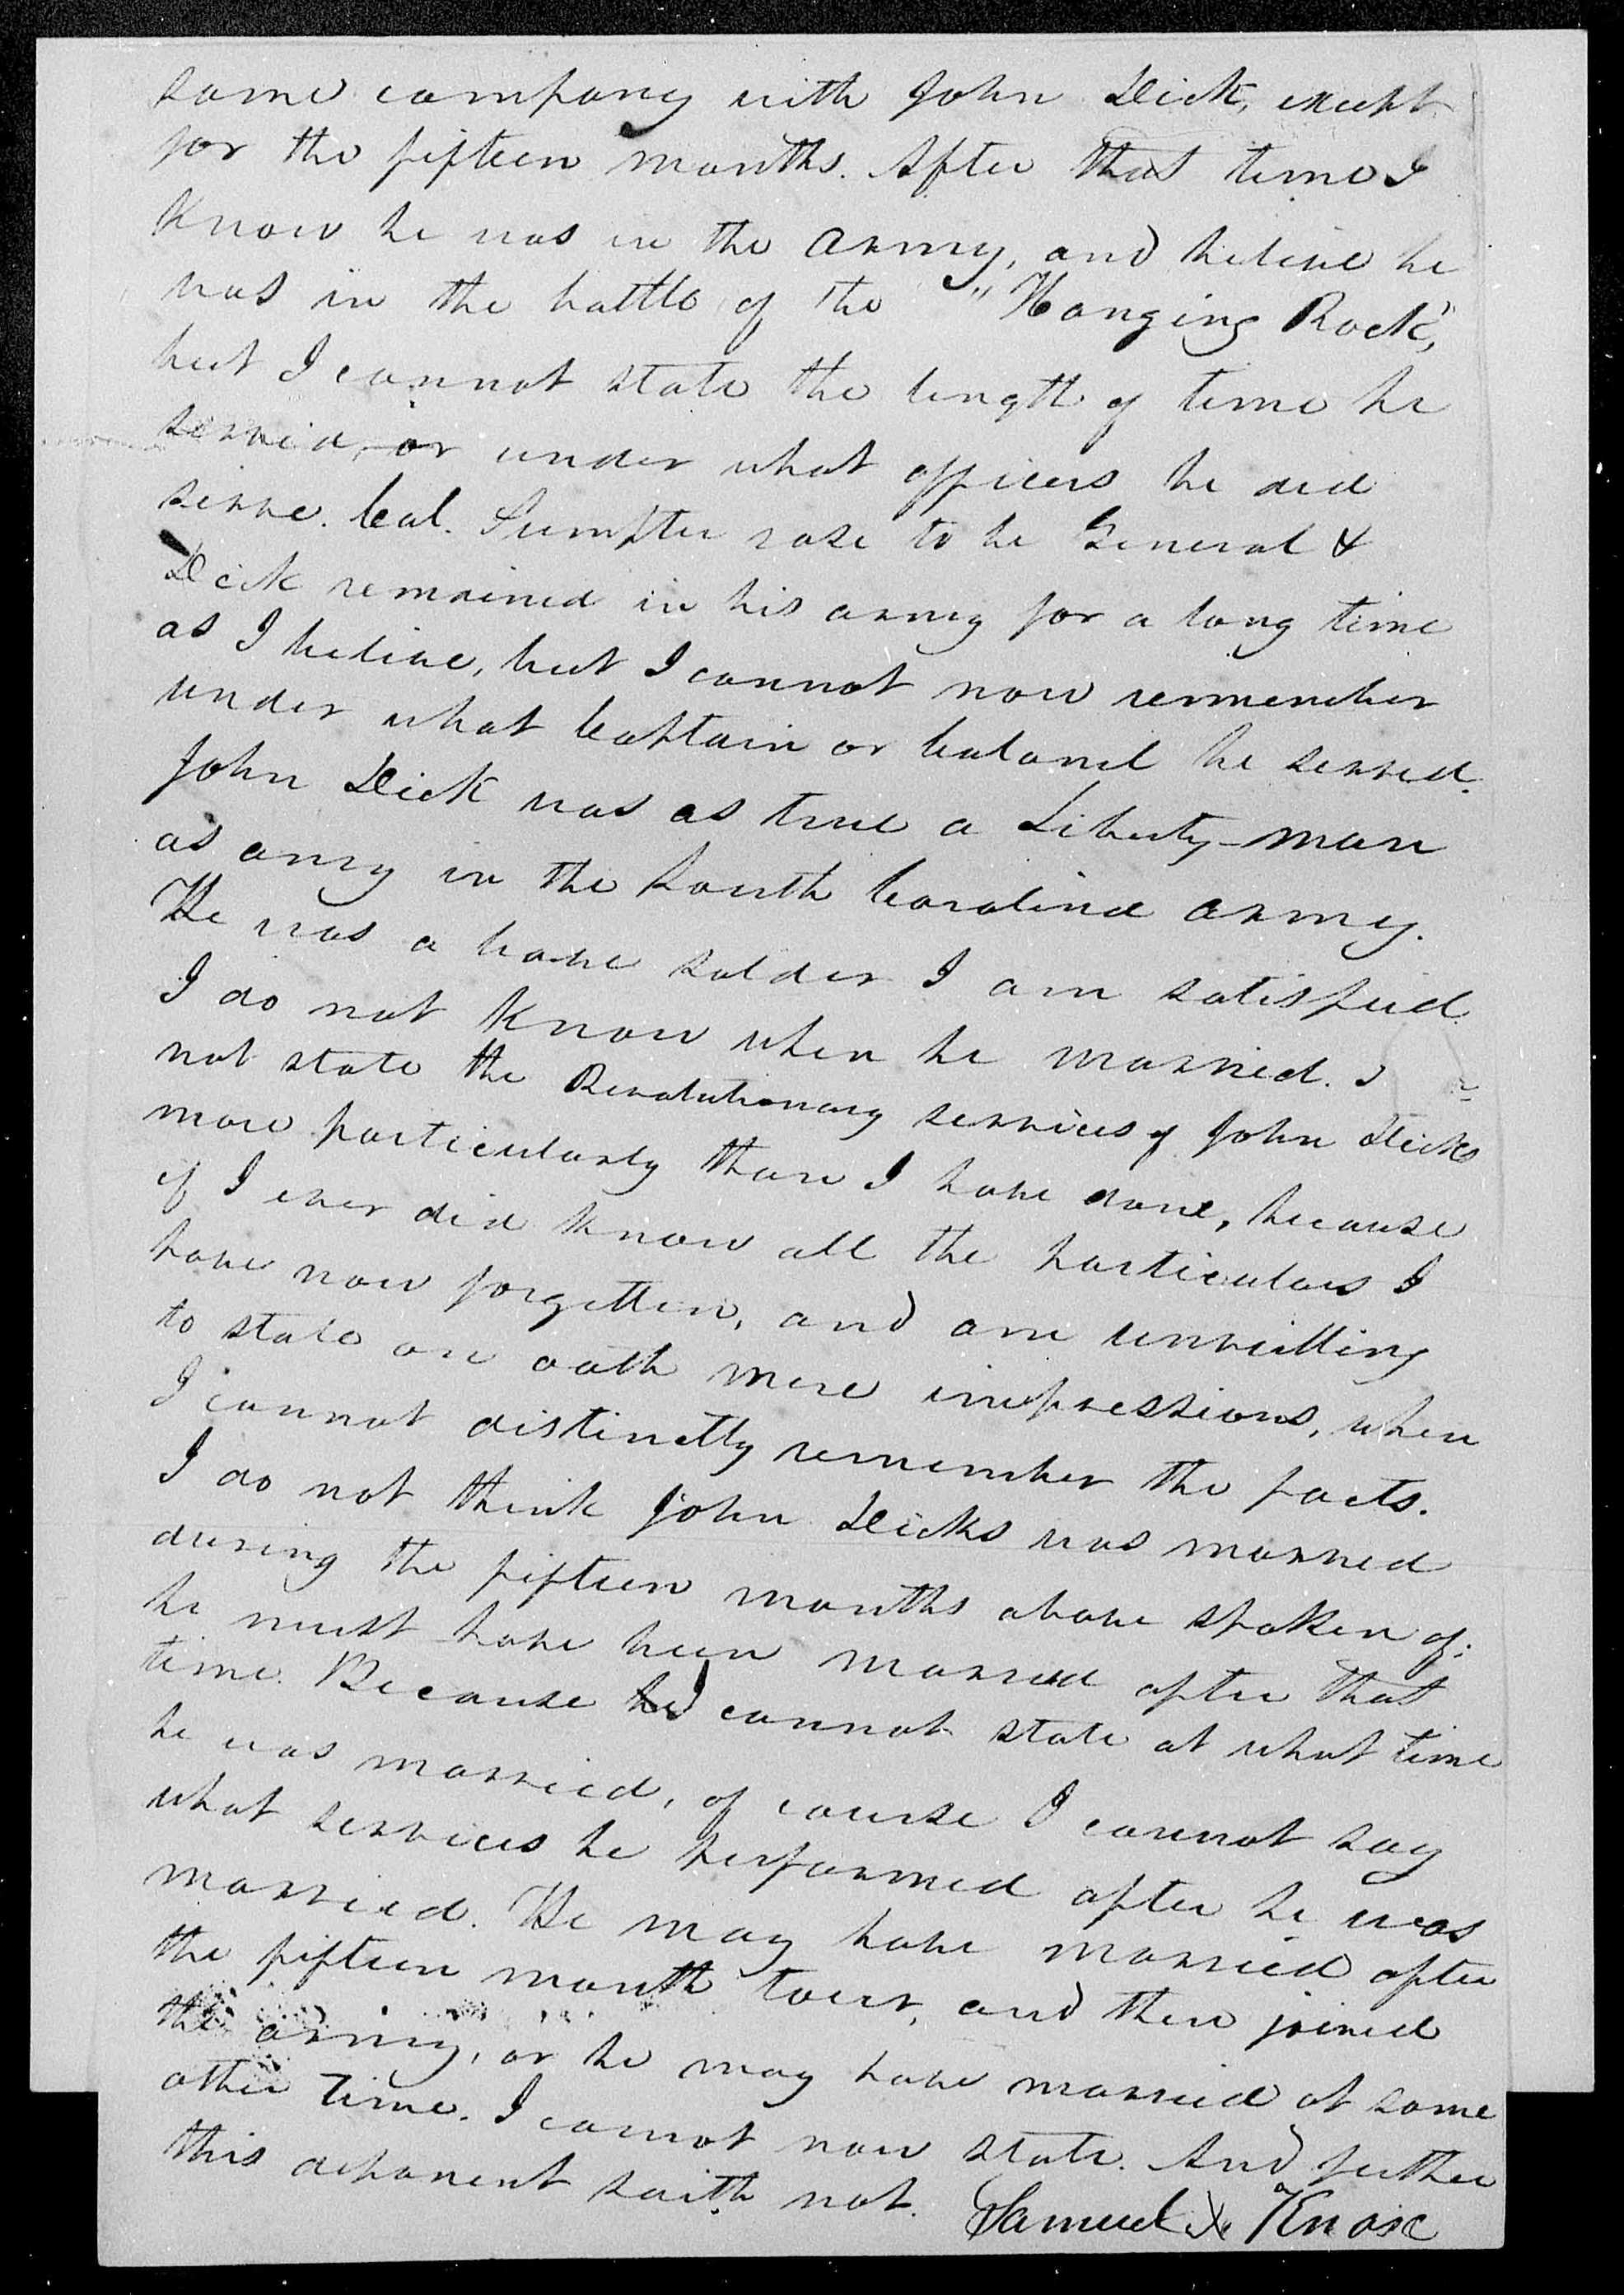same company with John Dick, except for the fifteen months. After that time I know he was in the army, and belive he was in the battle of the Hanging Rock but I cannot state the length of time he served or under what officers he did serve. Col. Sumpter rose to be general & Dick remained in his army for a long time as I believe, but I cannot now remember under what Captain or Colonel he served. John Dick was as true a Liberty man as any in the South Carolina army. He was a brave solder. I am satisfied I do not know when he married.  [illegible] not state the Revolutionary services of John Dicks more particularly than I have done, because if I ever did know all the particulars I have now forgotten, and am unwilling to state on oath mere impressions, when I cannot distinctly remember the facts.  I do not think John Dicks was married the during the fifteen months above spoken of. He must have been married after that time because he cannot state at what time he was married, of course I cannot say what services he performed after he was married. He may have married after the fifteen month tour and then joined the army or he may have married at some other time. I cannot now state. And further this deponent saith not. Samuel Knox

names: John Dick, Dick, John Dicks, Samuel Knox, John Dicks, Sumpter, John Dick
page: 25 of 31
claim: widow's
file: W. 8668, John Dick, S C